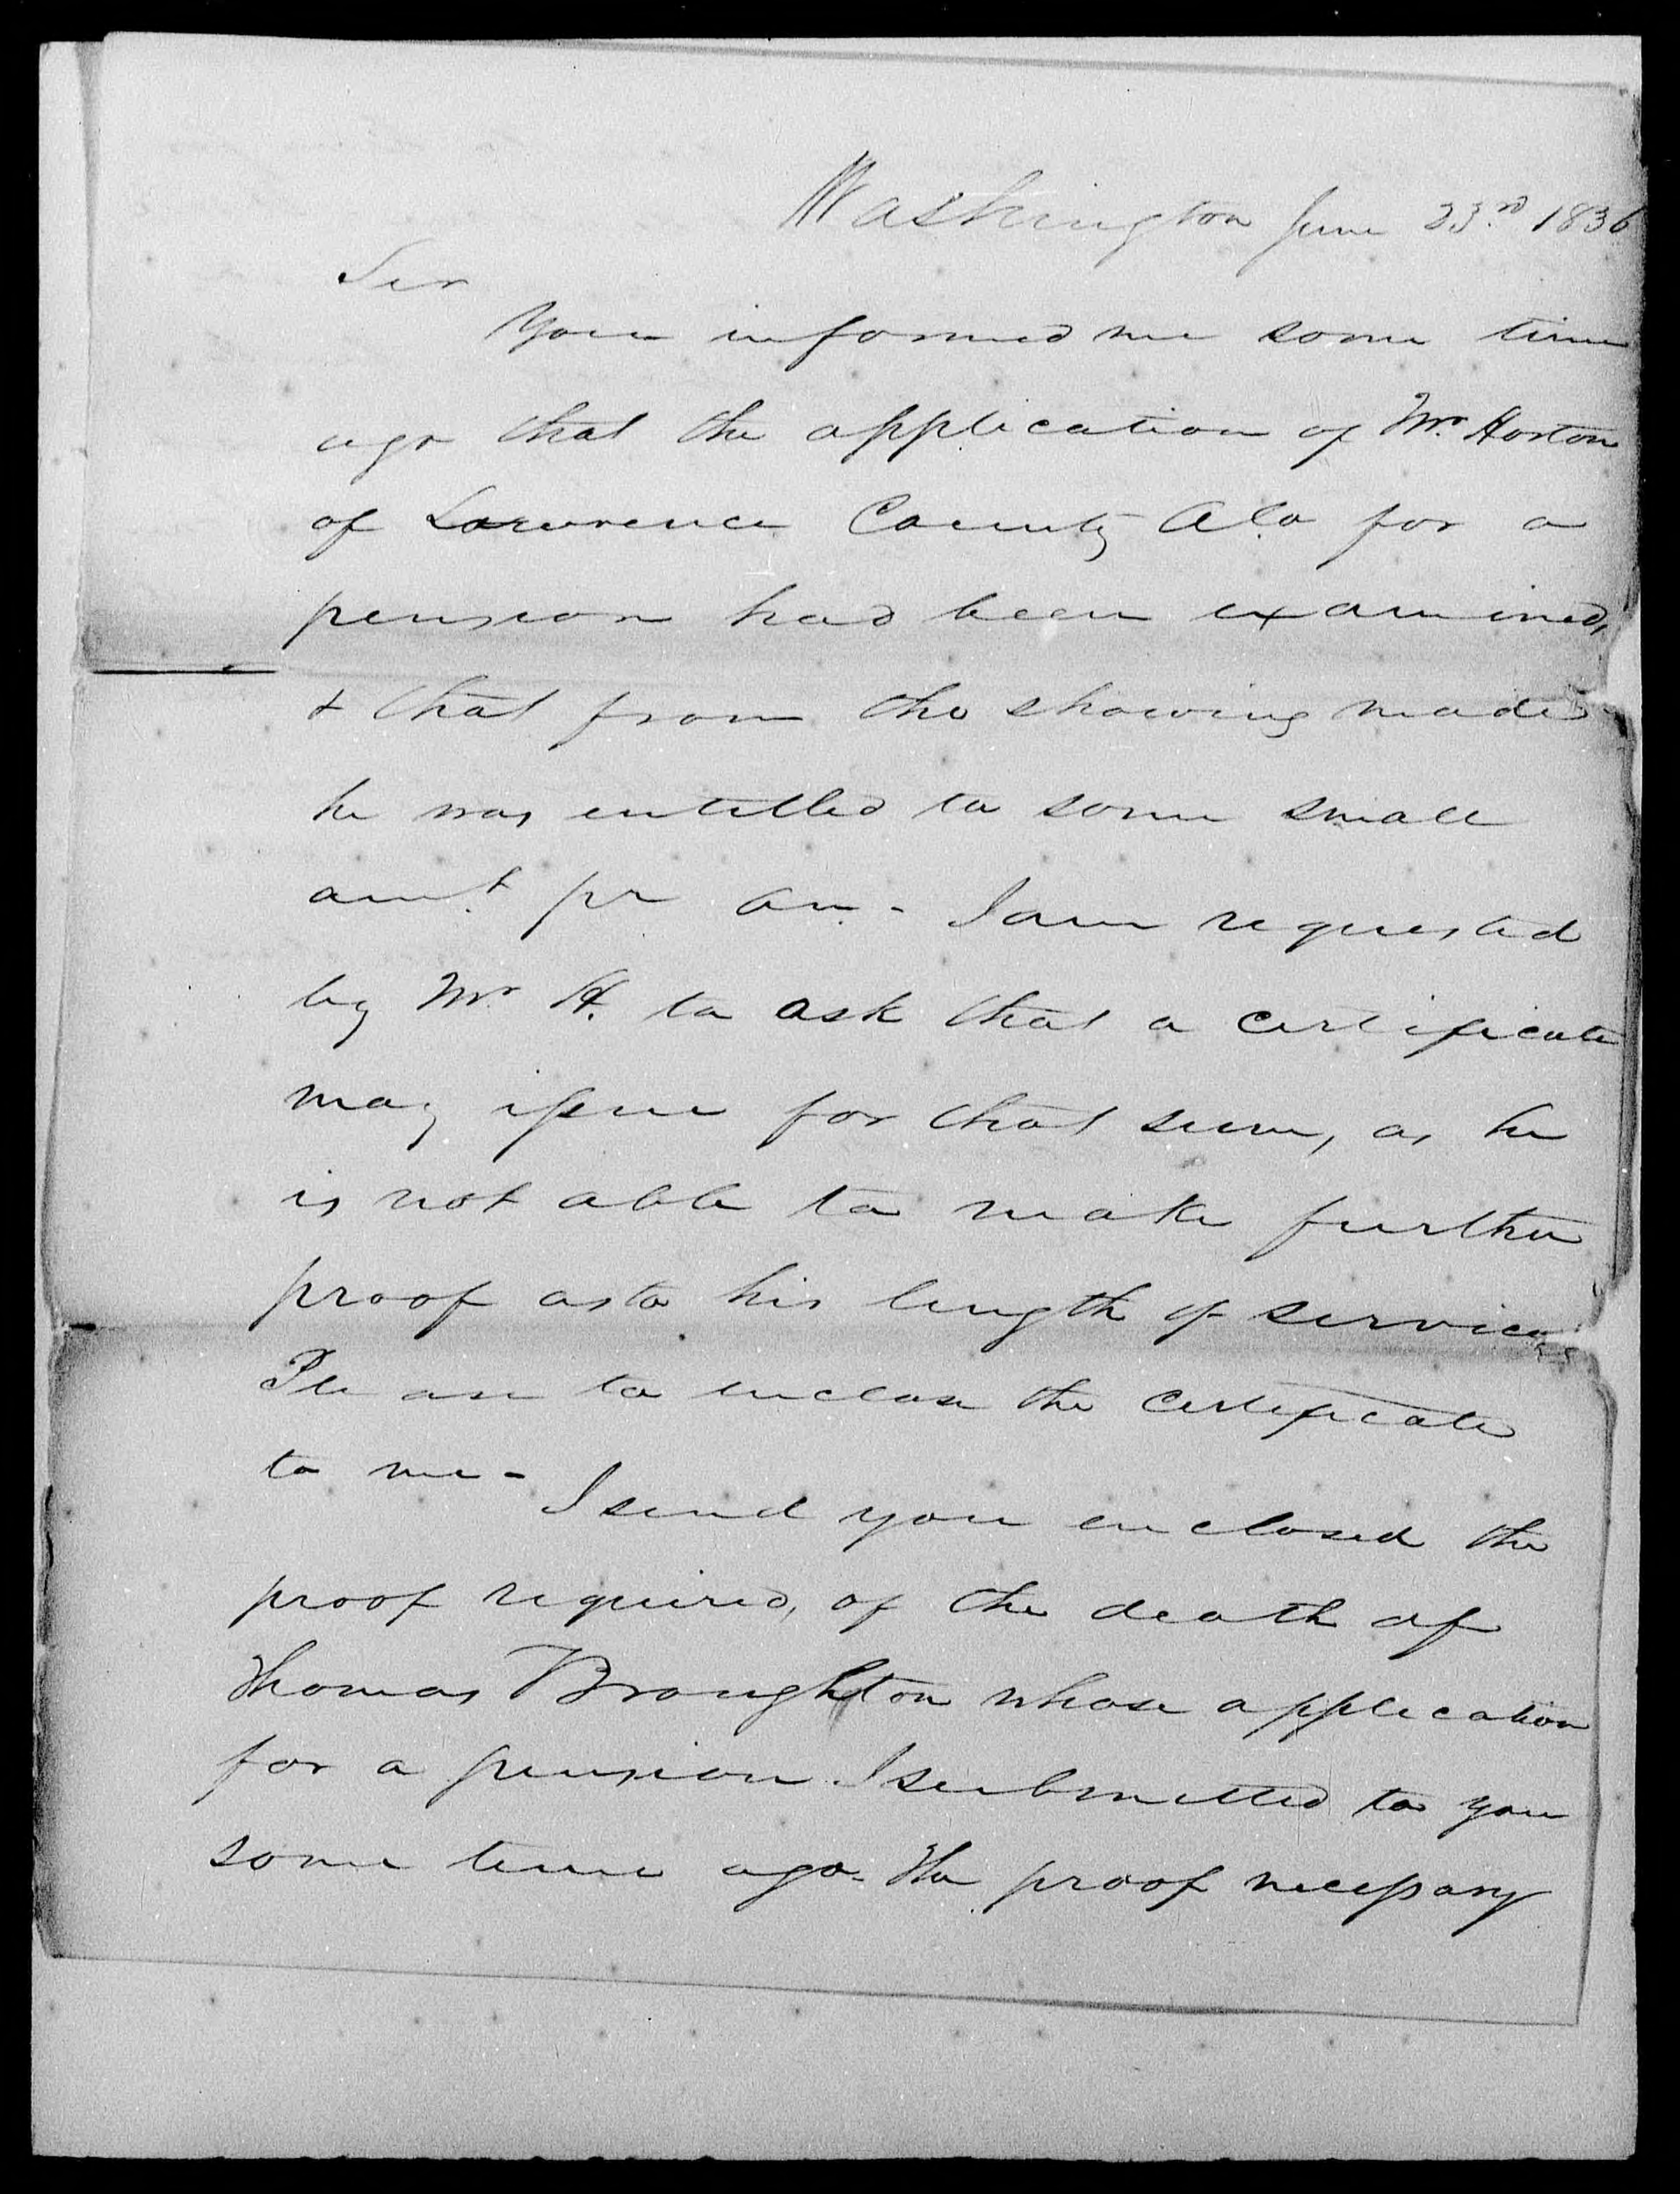Washington June 23rd 1836
Sir
You informed me some time ago that the application of Mr. Horton of Lawrence County Ala. for a pension had been examined & that from the showing made he was entitled to some small amt. pr an-  I am requested by Mr. H. to ask that a certificate may issue for that sum, as he is not able to make further proof as to his length of service
Please to enclose the certificate to me-
I send you enclosed the proof required of the death of Thomas Broughton whose application for a pension I submitted to you some time ago.  The proof necessary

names: Thomas Broughton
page: 49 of 72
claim: widow's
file: W. 897, Thomas Broughton, S.C.